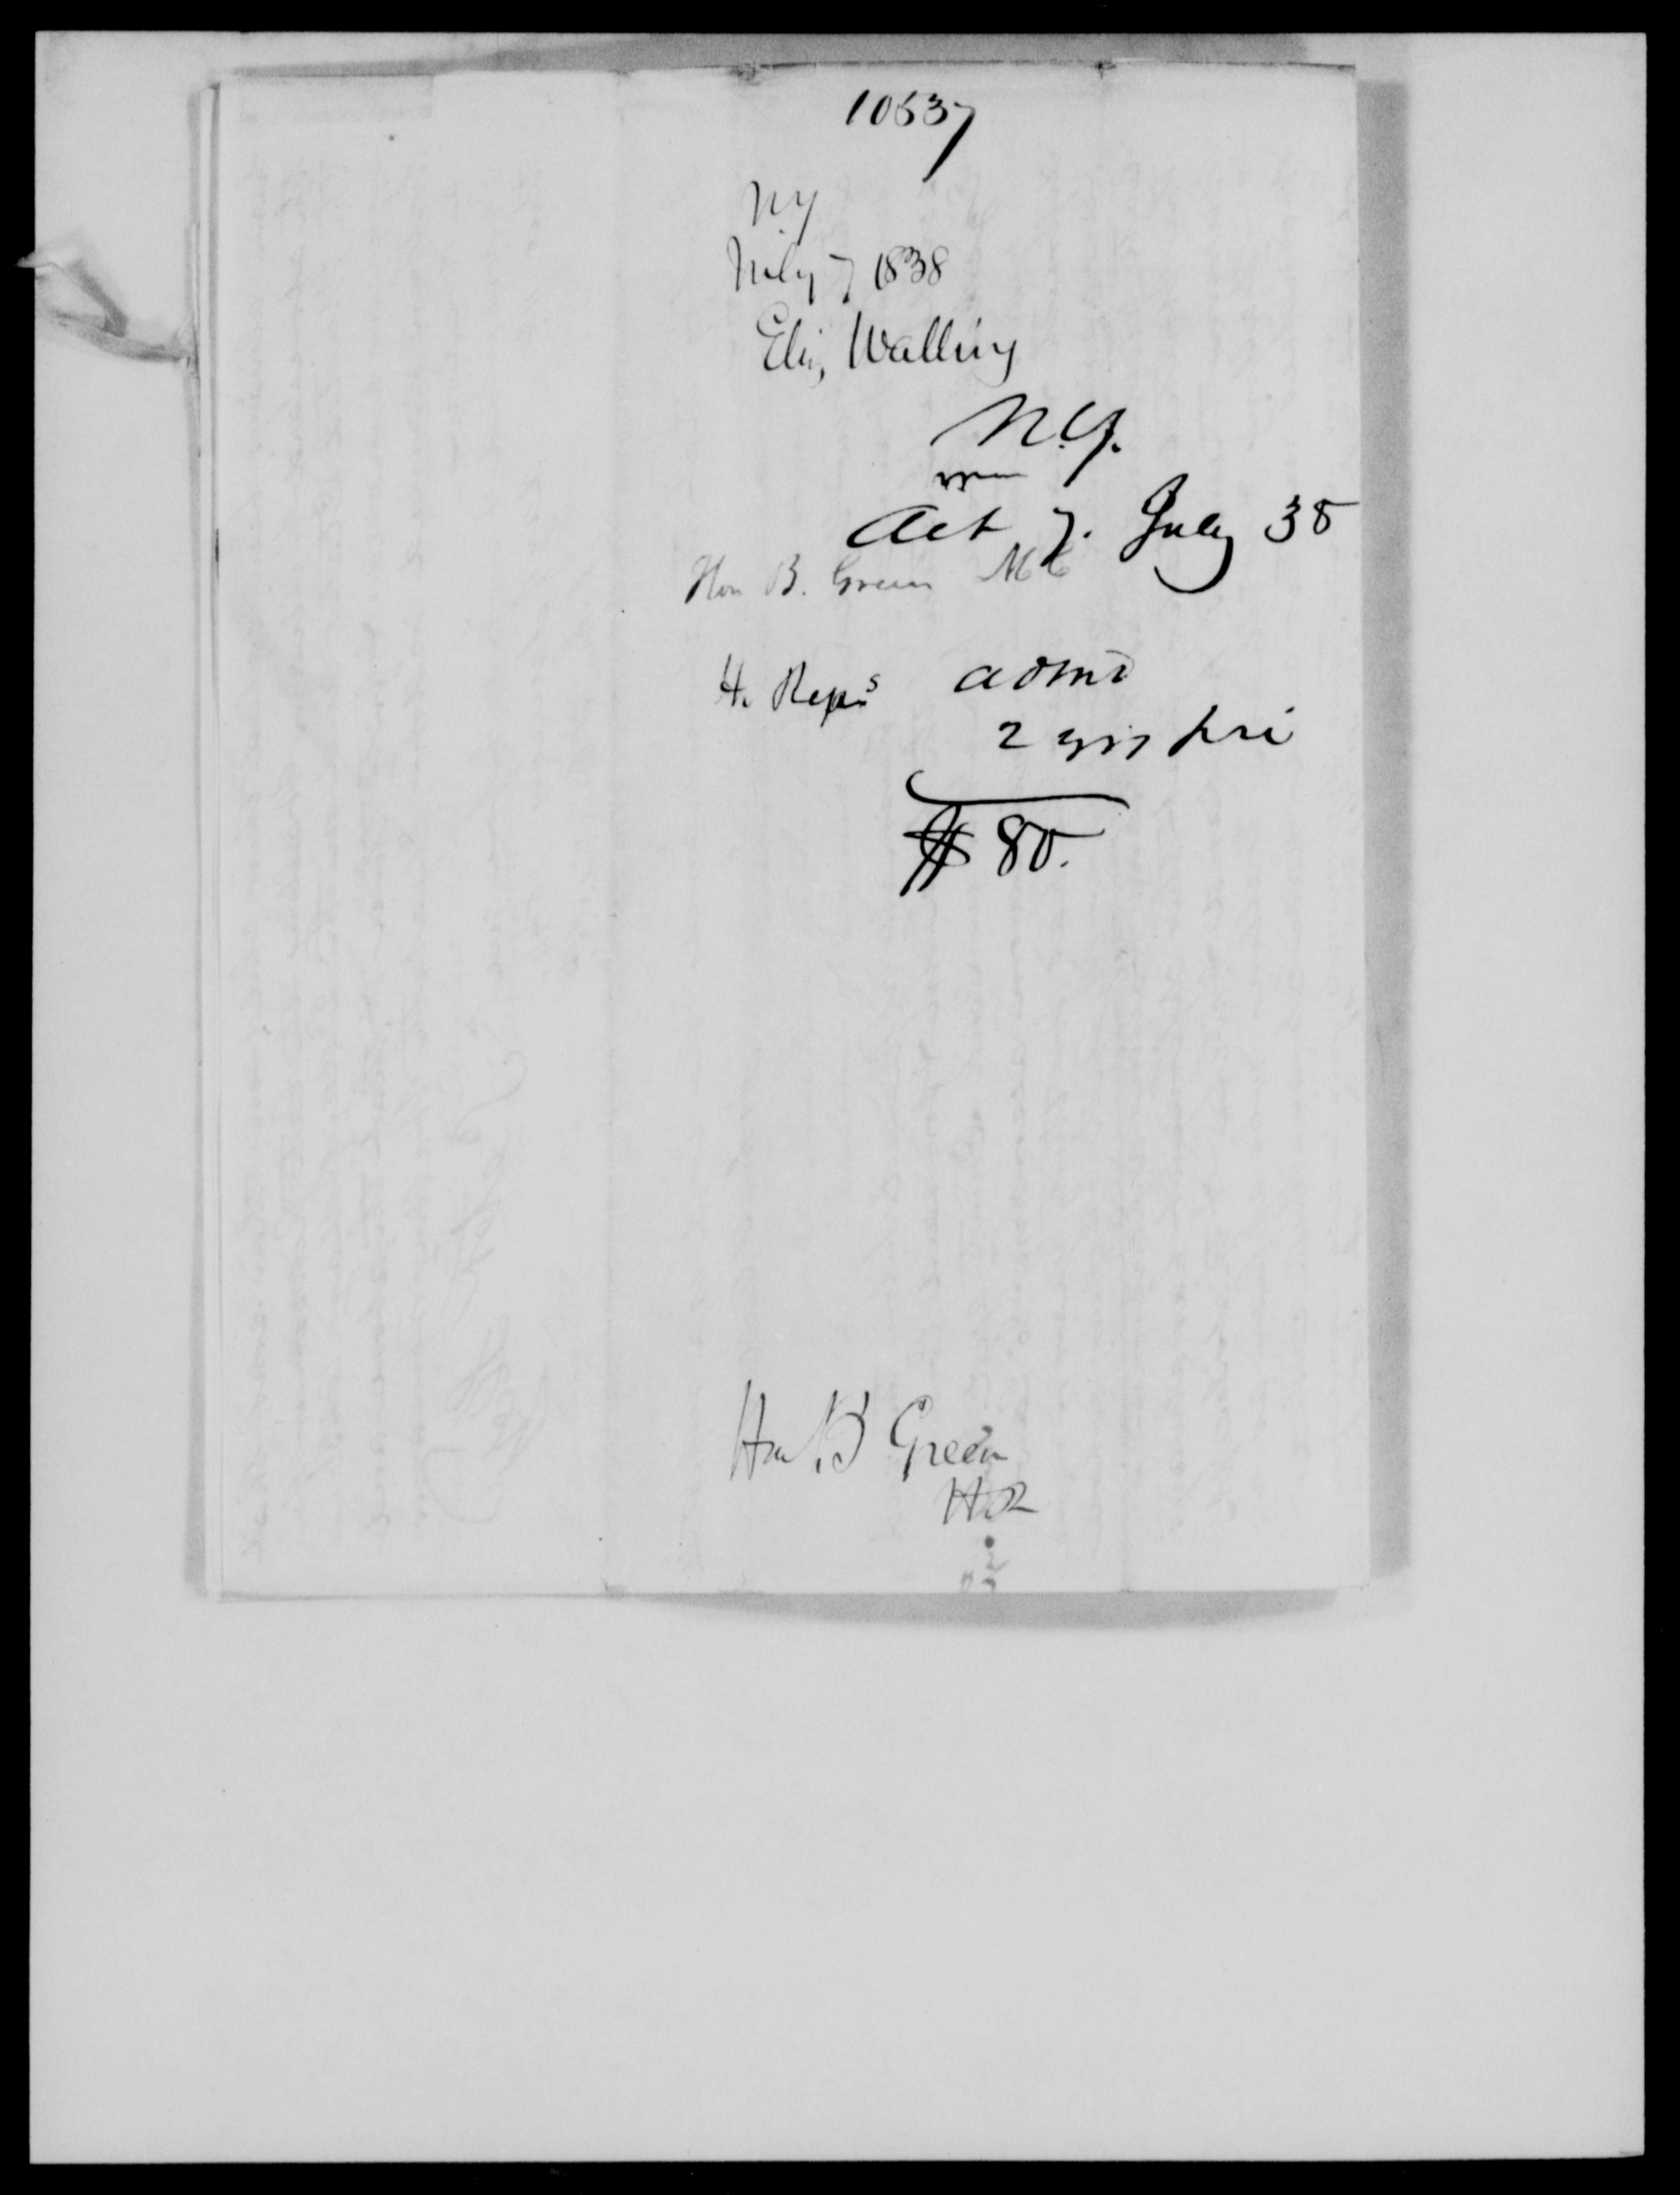10537
NY
July 7, 1838
Eli Walling
NY
Act 7 July 38
Hon B. Green MC
H Rep (illegible)
$80
Hon. B.Green HO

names: B Green, Eli Walling, B Green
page: 6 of 66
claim: widow's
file: W. 19588, William Walling, New Jersey